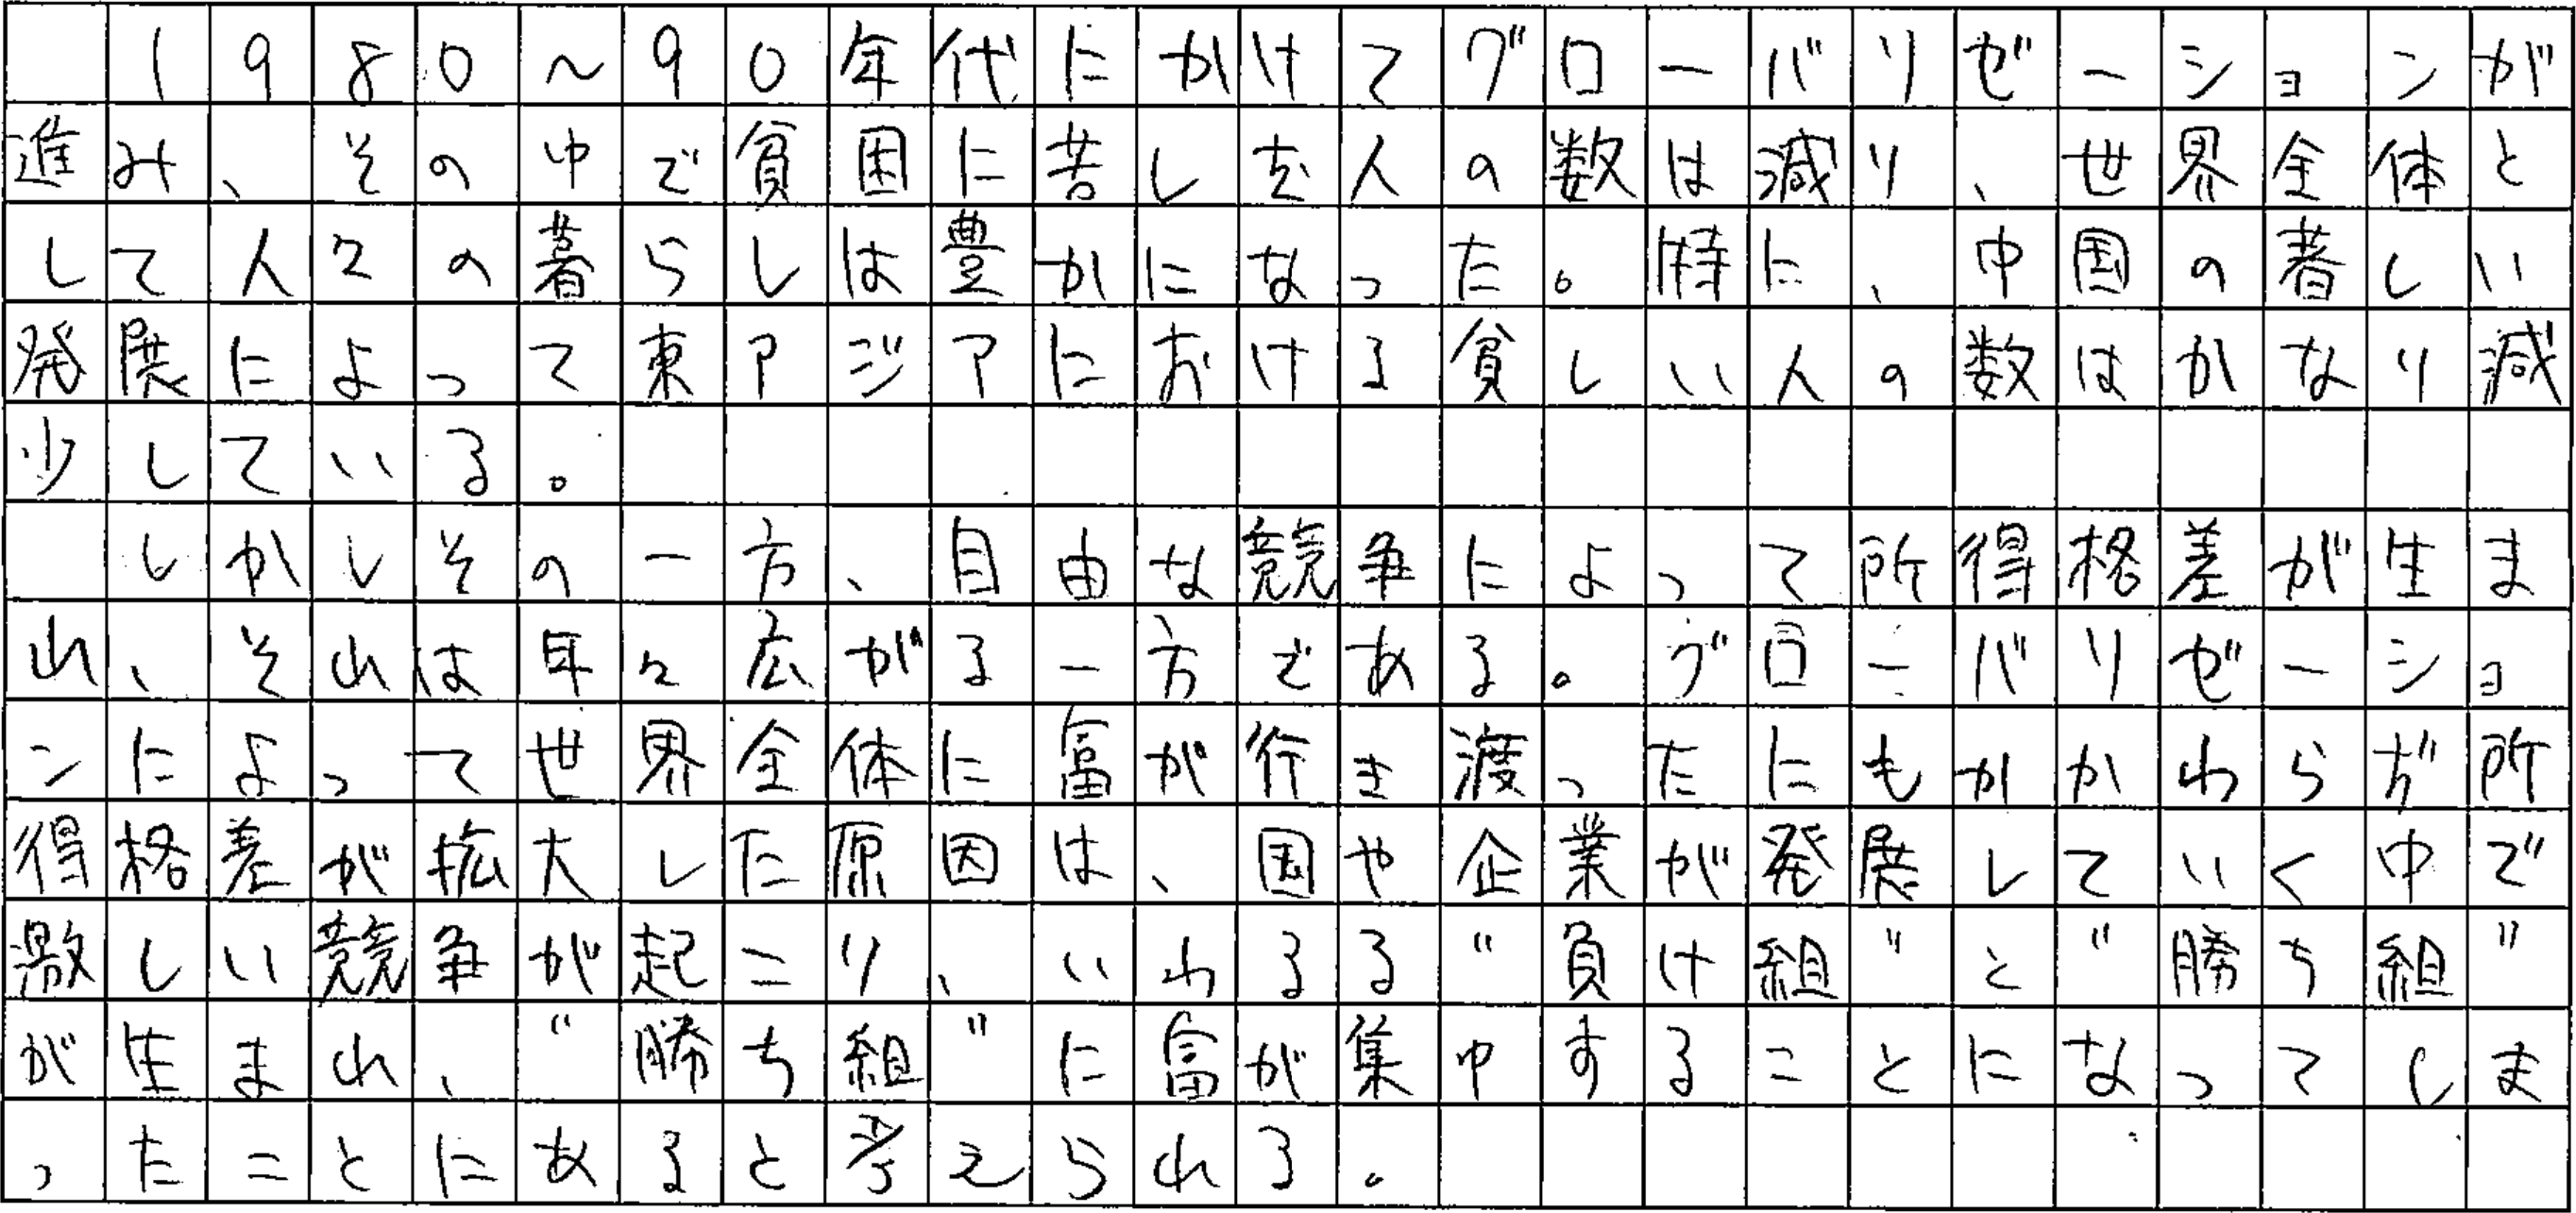　１９８０～９０年代にかけてグローバリゼーションが進み、その中で貧困に苦しむ人の数は減り、世界全体として人々の暮らしは豊かになった。特に、中国の著しい発展によって東アジアにおける貧しい人の数はかなり減少している。
　しかしその一方、自由な競争によって所得格差が生まれ、それは年々広がる一方である。グローバリゼーションによって世界全体に富が行き渡ったにもかかわらず所得格差が拡大した原因は、国や企業が発展していく中で激しい競争が起こり、いわるる”負け組”と”勝ち組”が生まれ、”勝ち組”に富が集中することになってしまったことにあると考えられる。
